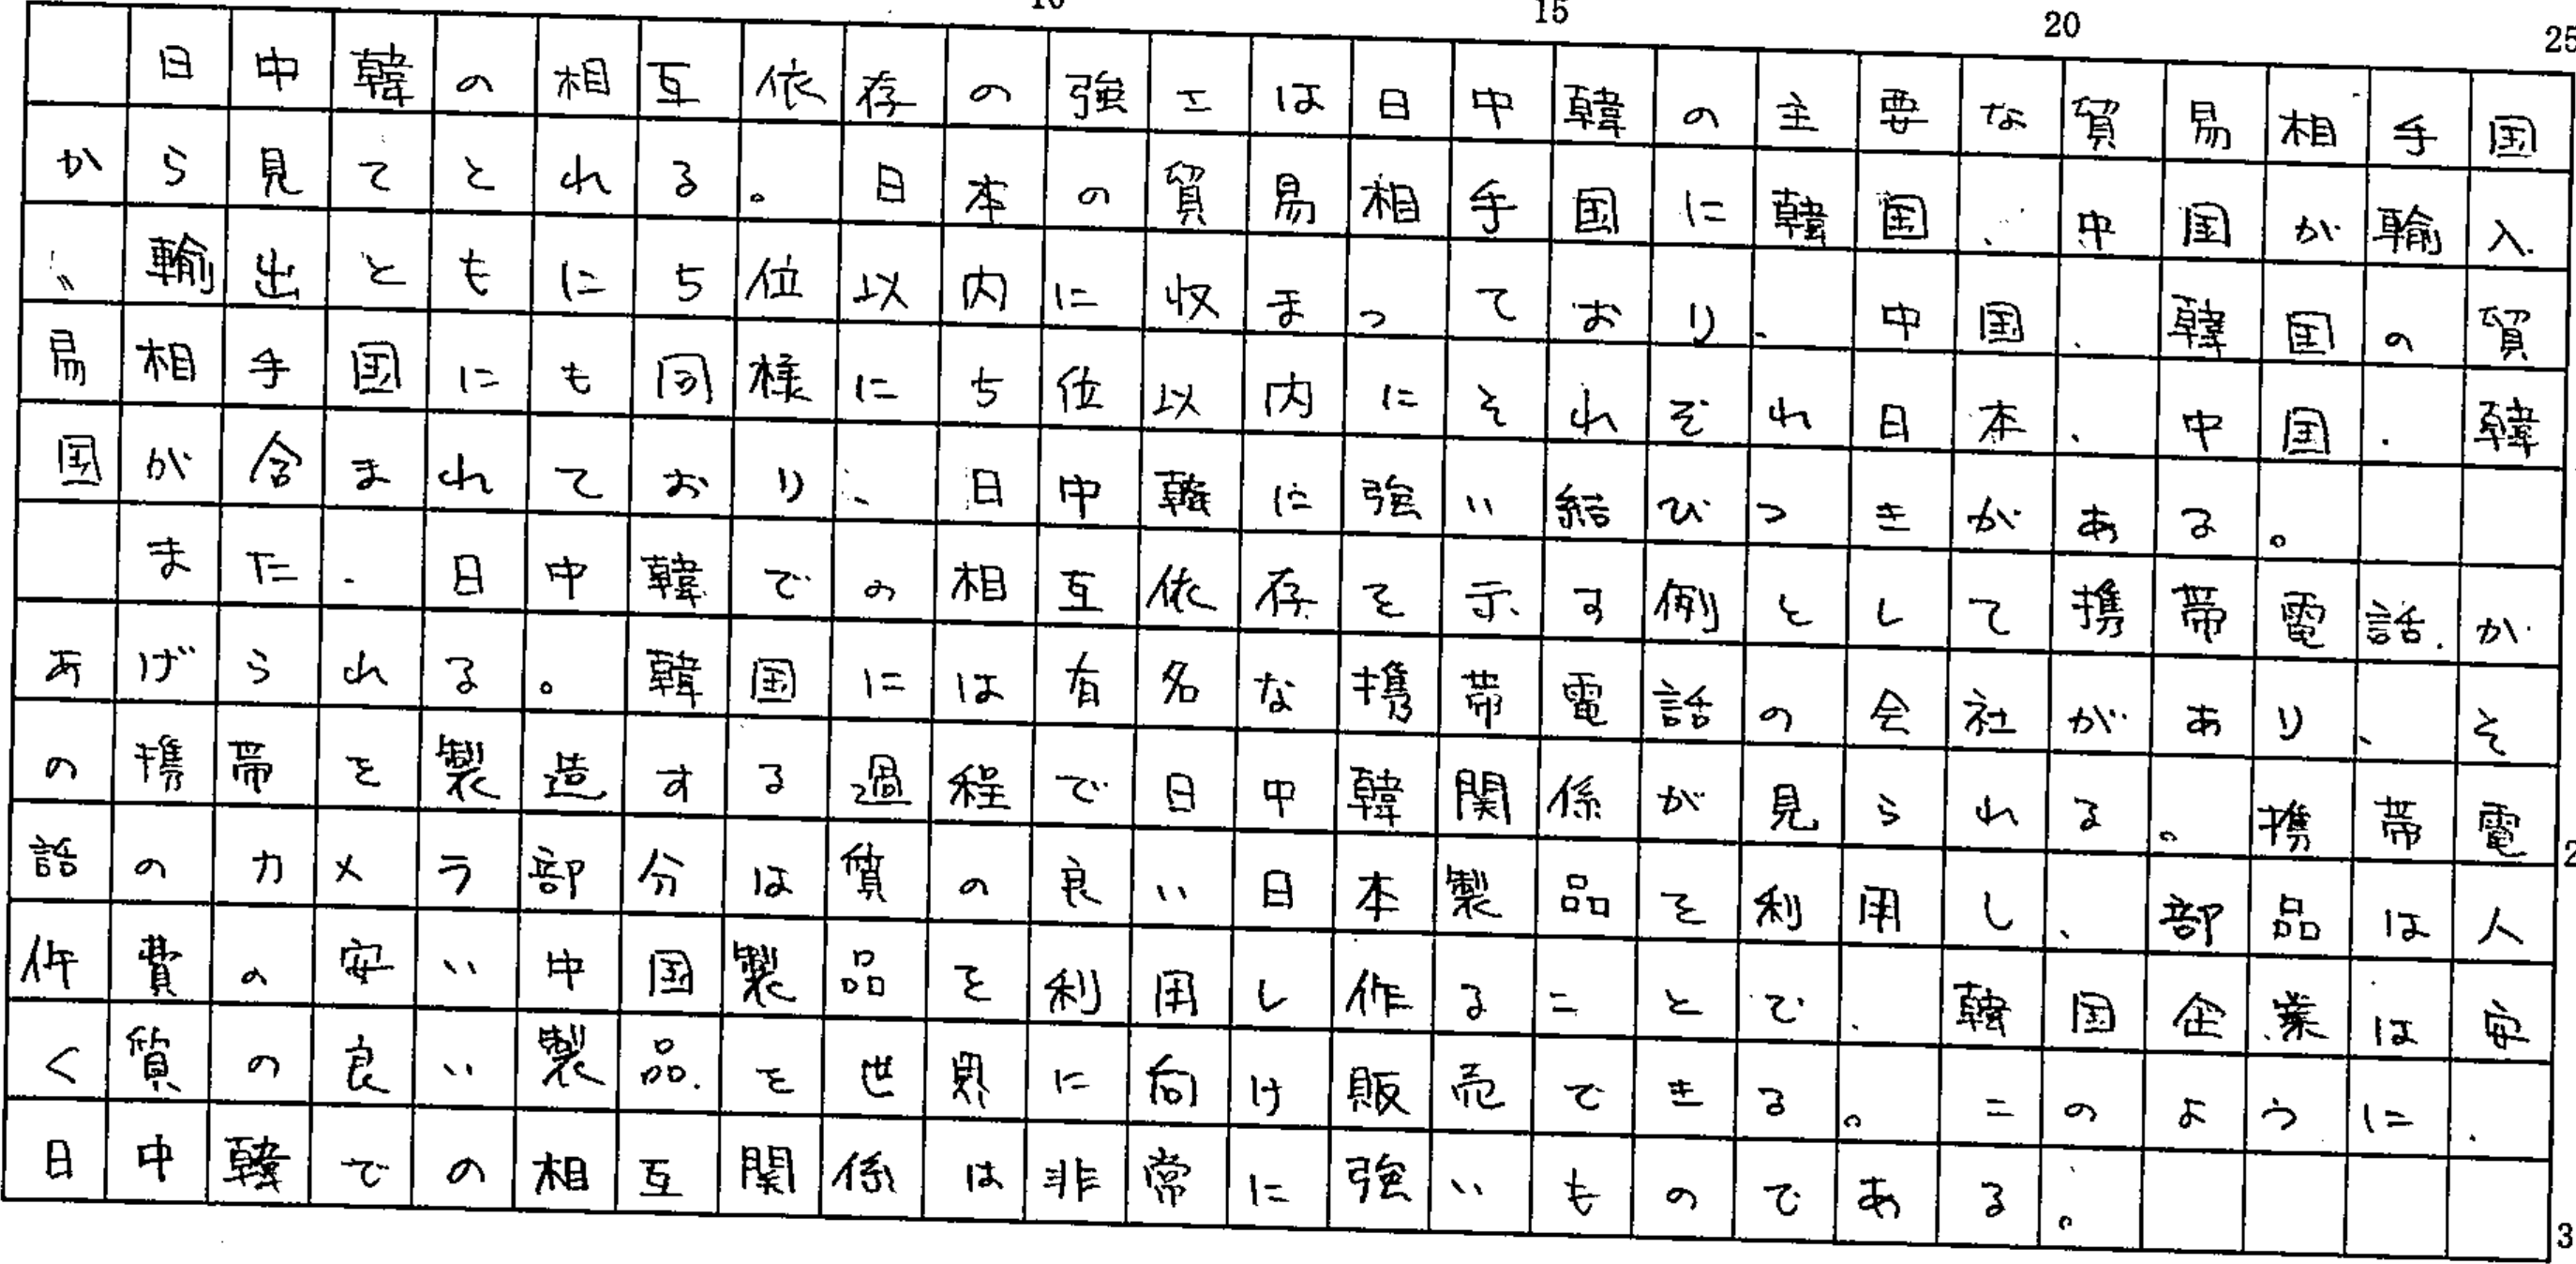　日中韓の相互依存の強さは日中韓の主要な貿易相手国から見てとれる。日本の貿易相手国に韓国、中国が輸入、輸出ともに５位以内に収まっており、中国、韓国の貿易相手国にも同様に５位以内にそれぞれ日本、中国、韓国が含まれており、日中韓に強い結びつきがある。
　また、日中韓での相互依存を示す例として携帯電話があげられる。韓国には有名な携帯電話の会社があり、その携帯を製造する過程で日中韓関係が見られる。携帯電話のカメラ部分は質の良い日本製品を利用し、部品は人▁費の安い中国製品を利用し作ることで、韓国企業は安く質の良い製品を世界に向け販売できる。このように、日中韓での相互関係は非常に強いものである。
